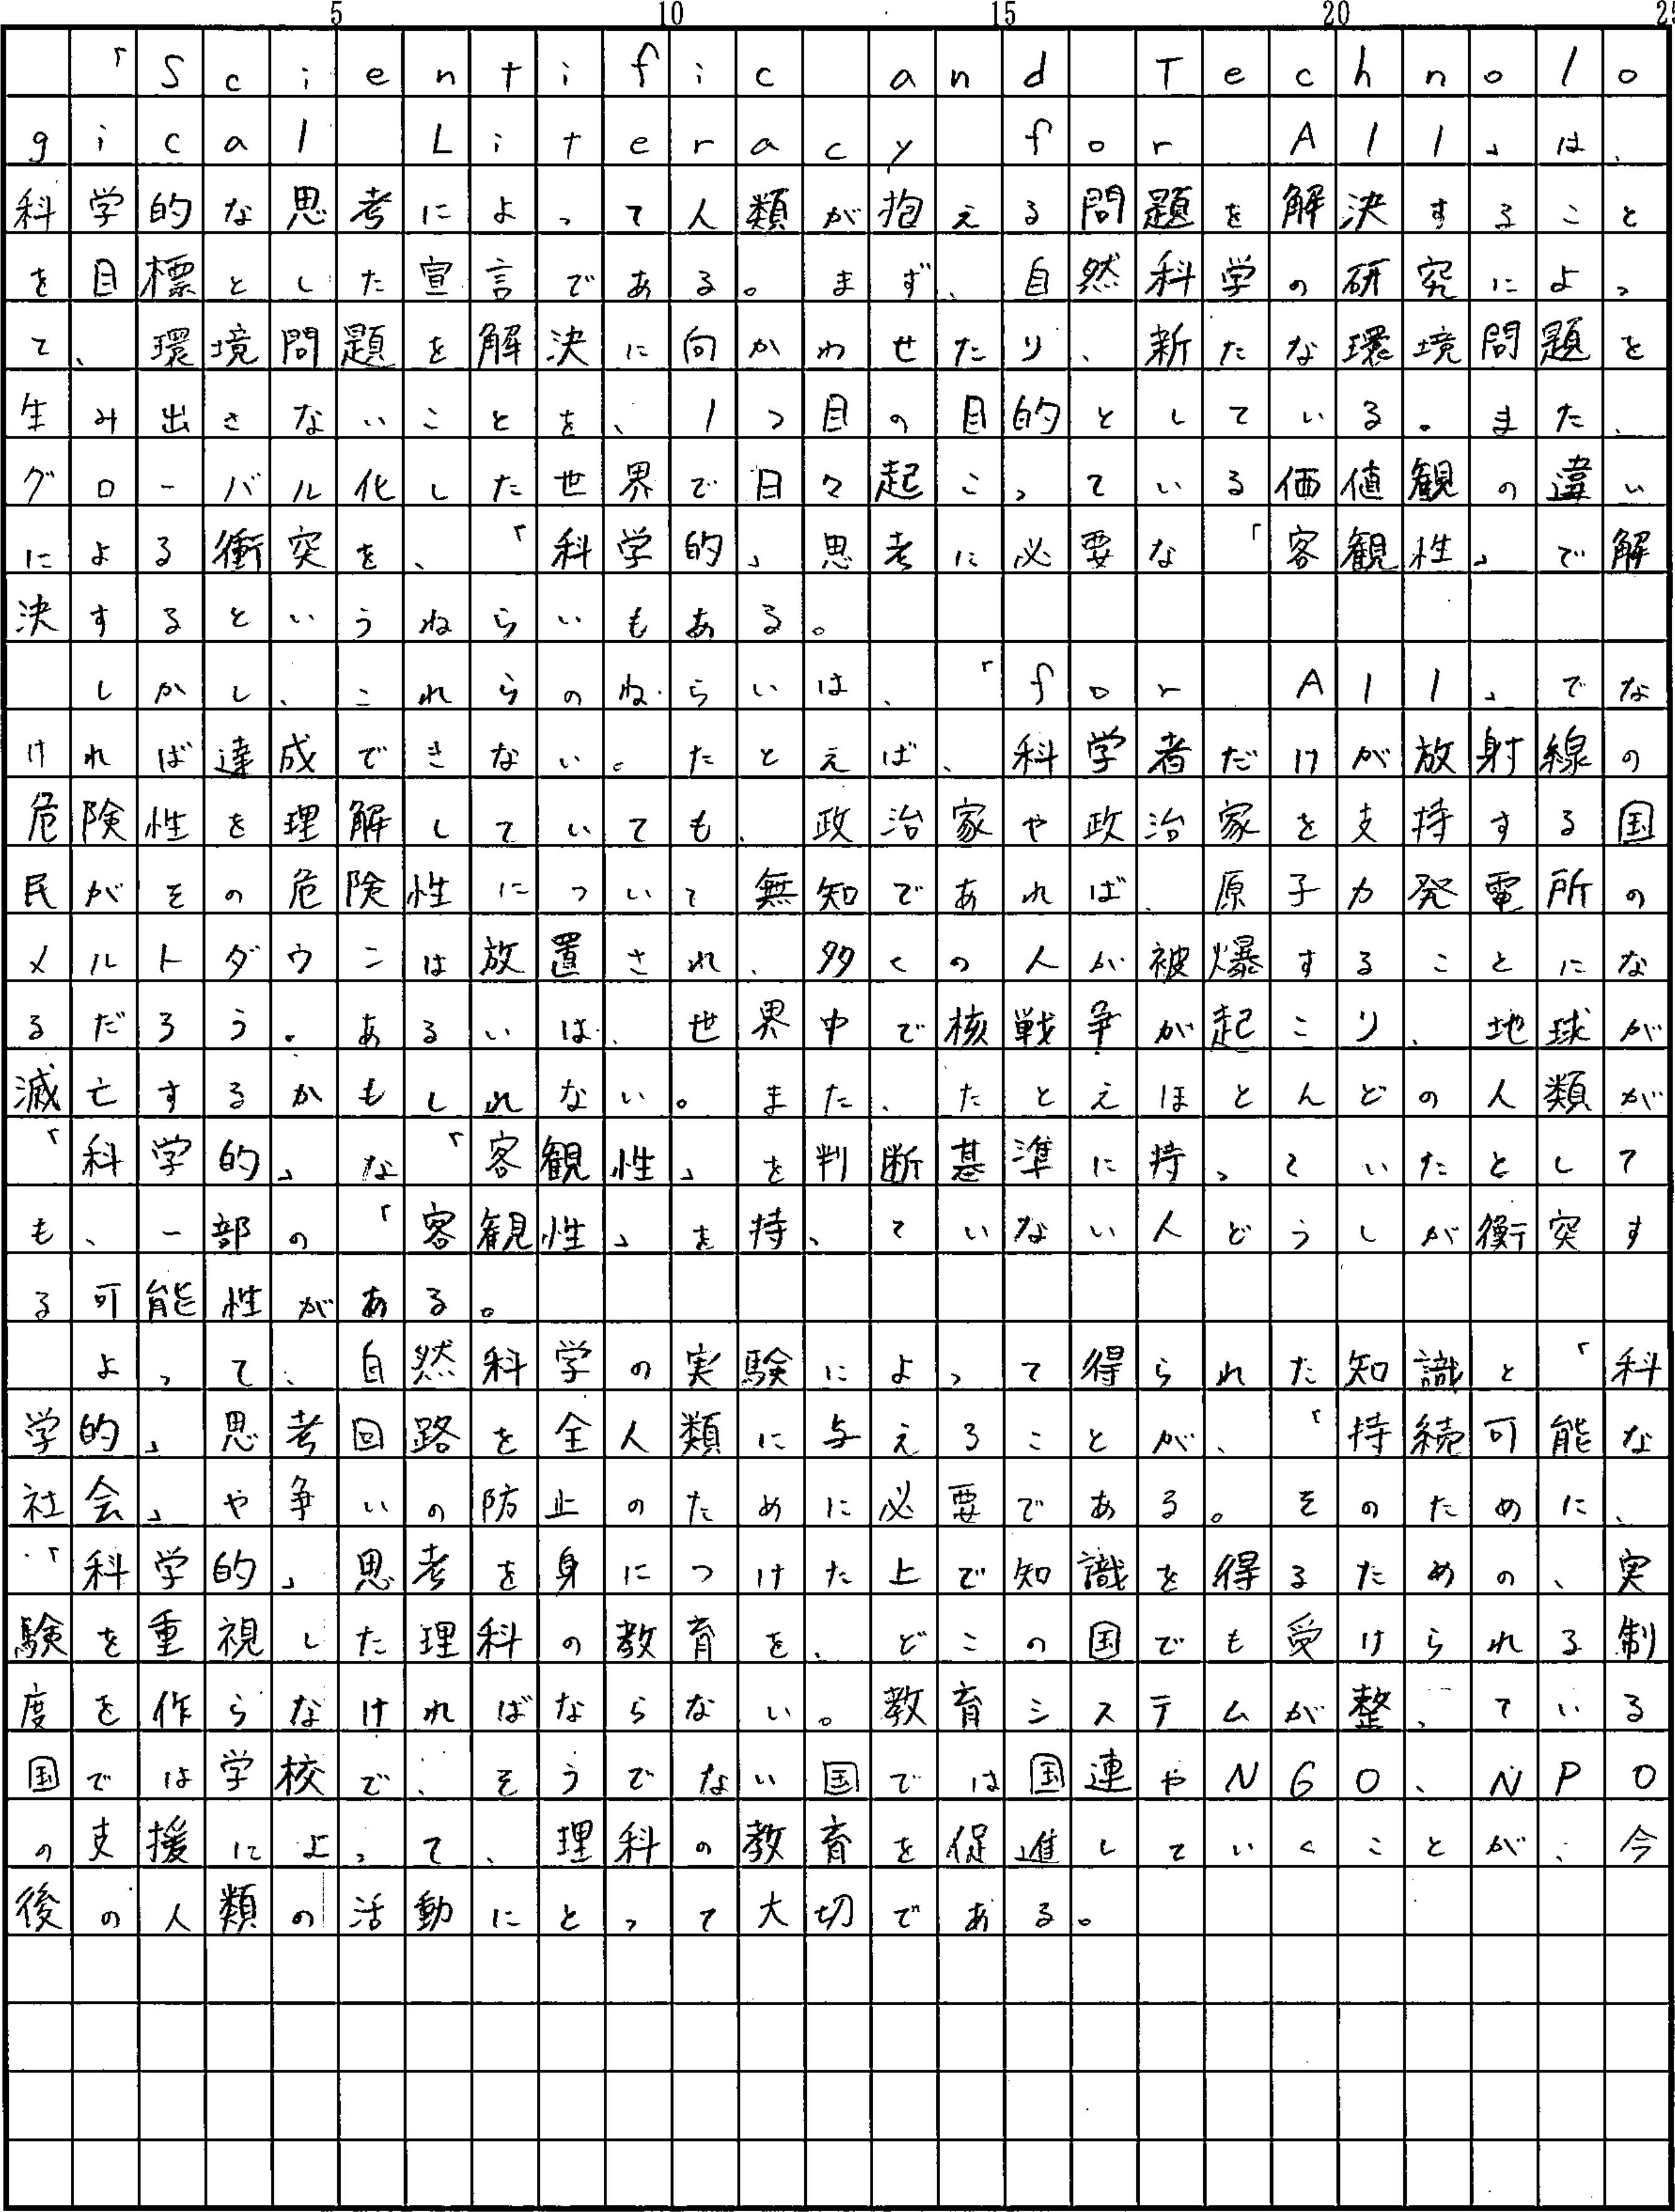　「Ｓｃｉｅｎｔｉｆｉｃ　ａｎｄ　Ｔｅｃｈｎｏｌｏｇｉｃａｌ　Ｌｉｔｅｒａｃｙ　ｆｏｒ　Ａｌｌ」は、科学的な思考によって人類が抱える問題を解決することを目標とした宣言である。まず、自然科学の研究によって、環境問題を解決に向かわせたり、新たな環境問題を生み出さないことを、１つ目の目的としている。また、グローバル化した世界で日々起こっている価値観の違いによる衝突を、「科学的」思考に必要な「客観性」で解決するというねらいもある。
　しかし、これらのねらいは、「ｆｏｒ　Ａｌｌ」でなければ達成できない。たとえば、科学者だけが放射線の危険性を理解していても、政治家や政治家を支持する国民がその危険性について無知であれば、原子力発電所のメルトダウンは放置され、多くの人が被爆することになるだろう。あるいは、世界中で核戦争が起こり、地球が滅亡するかもしれない。また、たとえほとんどの人類が「科学的」な「客観性」を判断基準に持っていたとしても、一部の「客観性」を持っていない人どうしが衡突する可能性がある。
　よって、自然科学の実験によって得られた知識と「科学的」思考回路を全人類に与えることが、「持続可能な社会」や争いの防止のために必要である。そのために、「科学的」思考を身につけた上で知識を得るための、実験を重視した理科の教育を、どこの国でも受けられる制度を作らなければならない。教育システムが整っている国では学校で、そうでない国では国連やＮＧＯ、ＮＰＯの支援によって、理科の教育を促進していくことが、今後の人類の活動にとって大切である。
